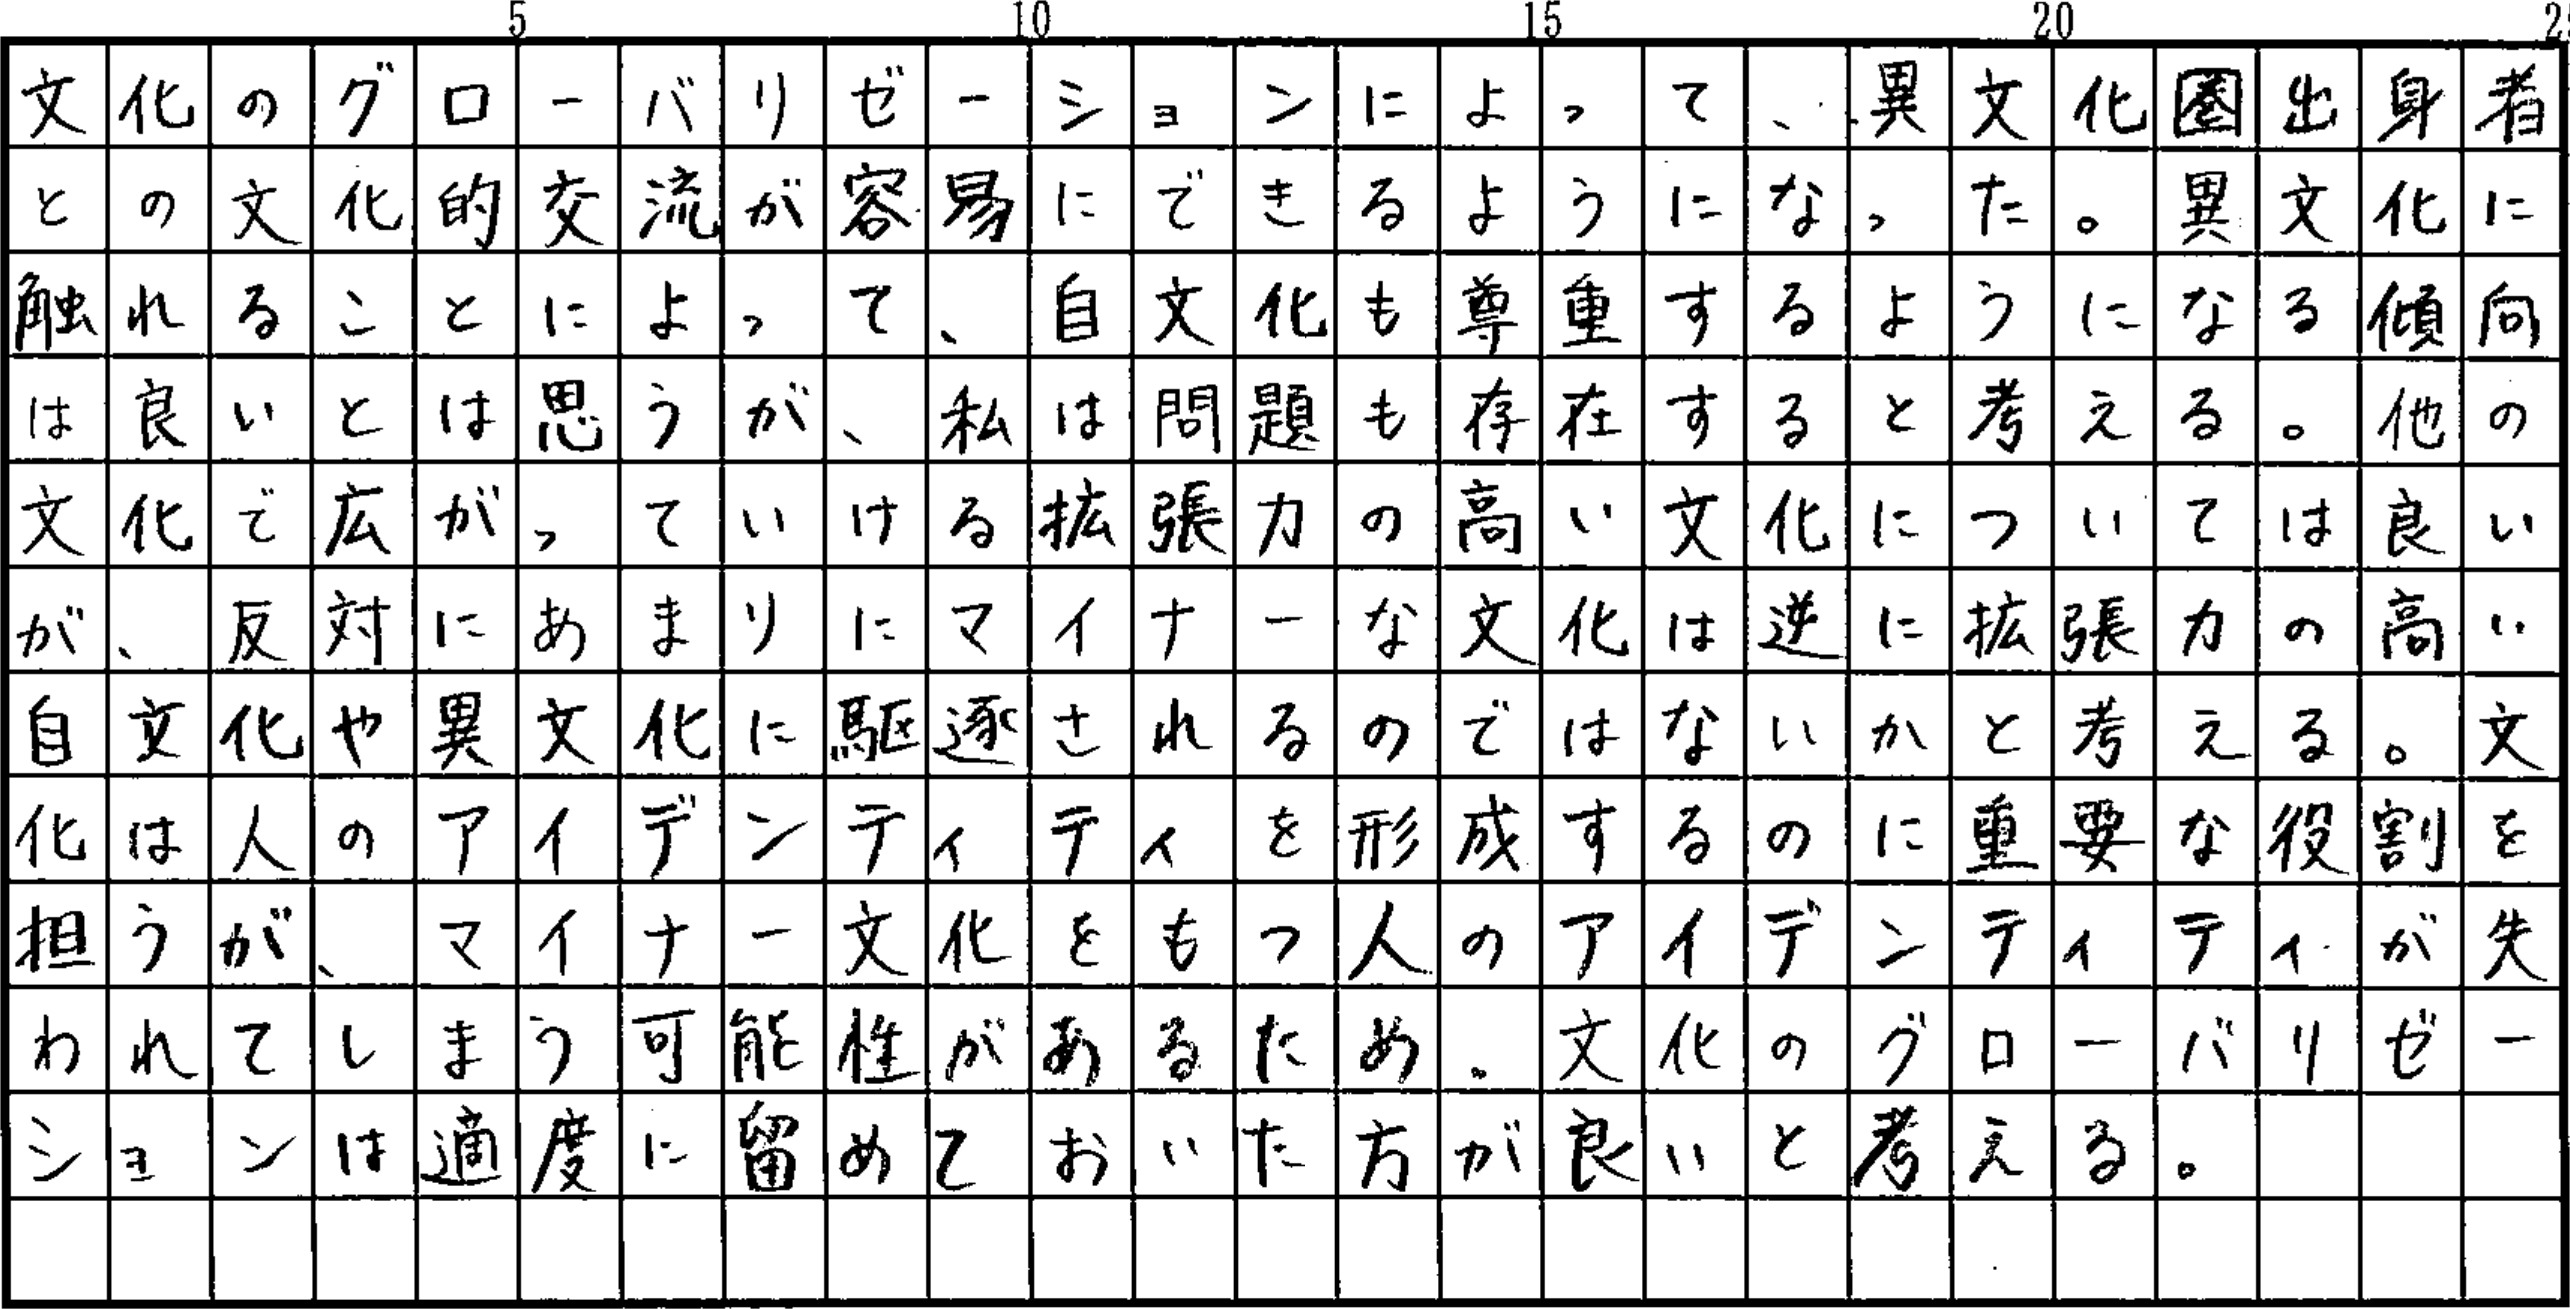文化のグローバリゼーションによって、異文化圏出身者との文化的交流が容易にできるようになった。異文化に触れることによって、自文化も尊重するようになる傾向は良いとは思うが、私は問題も存在すると考える。他の文化で広がっていける拡張力の高い文化については良いが、反対にあまりにマイナーな文化は逆に拡張力の高い自文化や異文化に駆逐されるのではないかと考える。文化は人のアイデンティティを形成するのに重要な役割を担うが、マイナー文化をもつ人のアイデンティティが失われてしまう可能性があるため、文化のグローバリゼーションは適度に留めておいた方が良いと考える。
